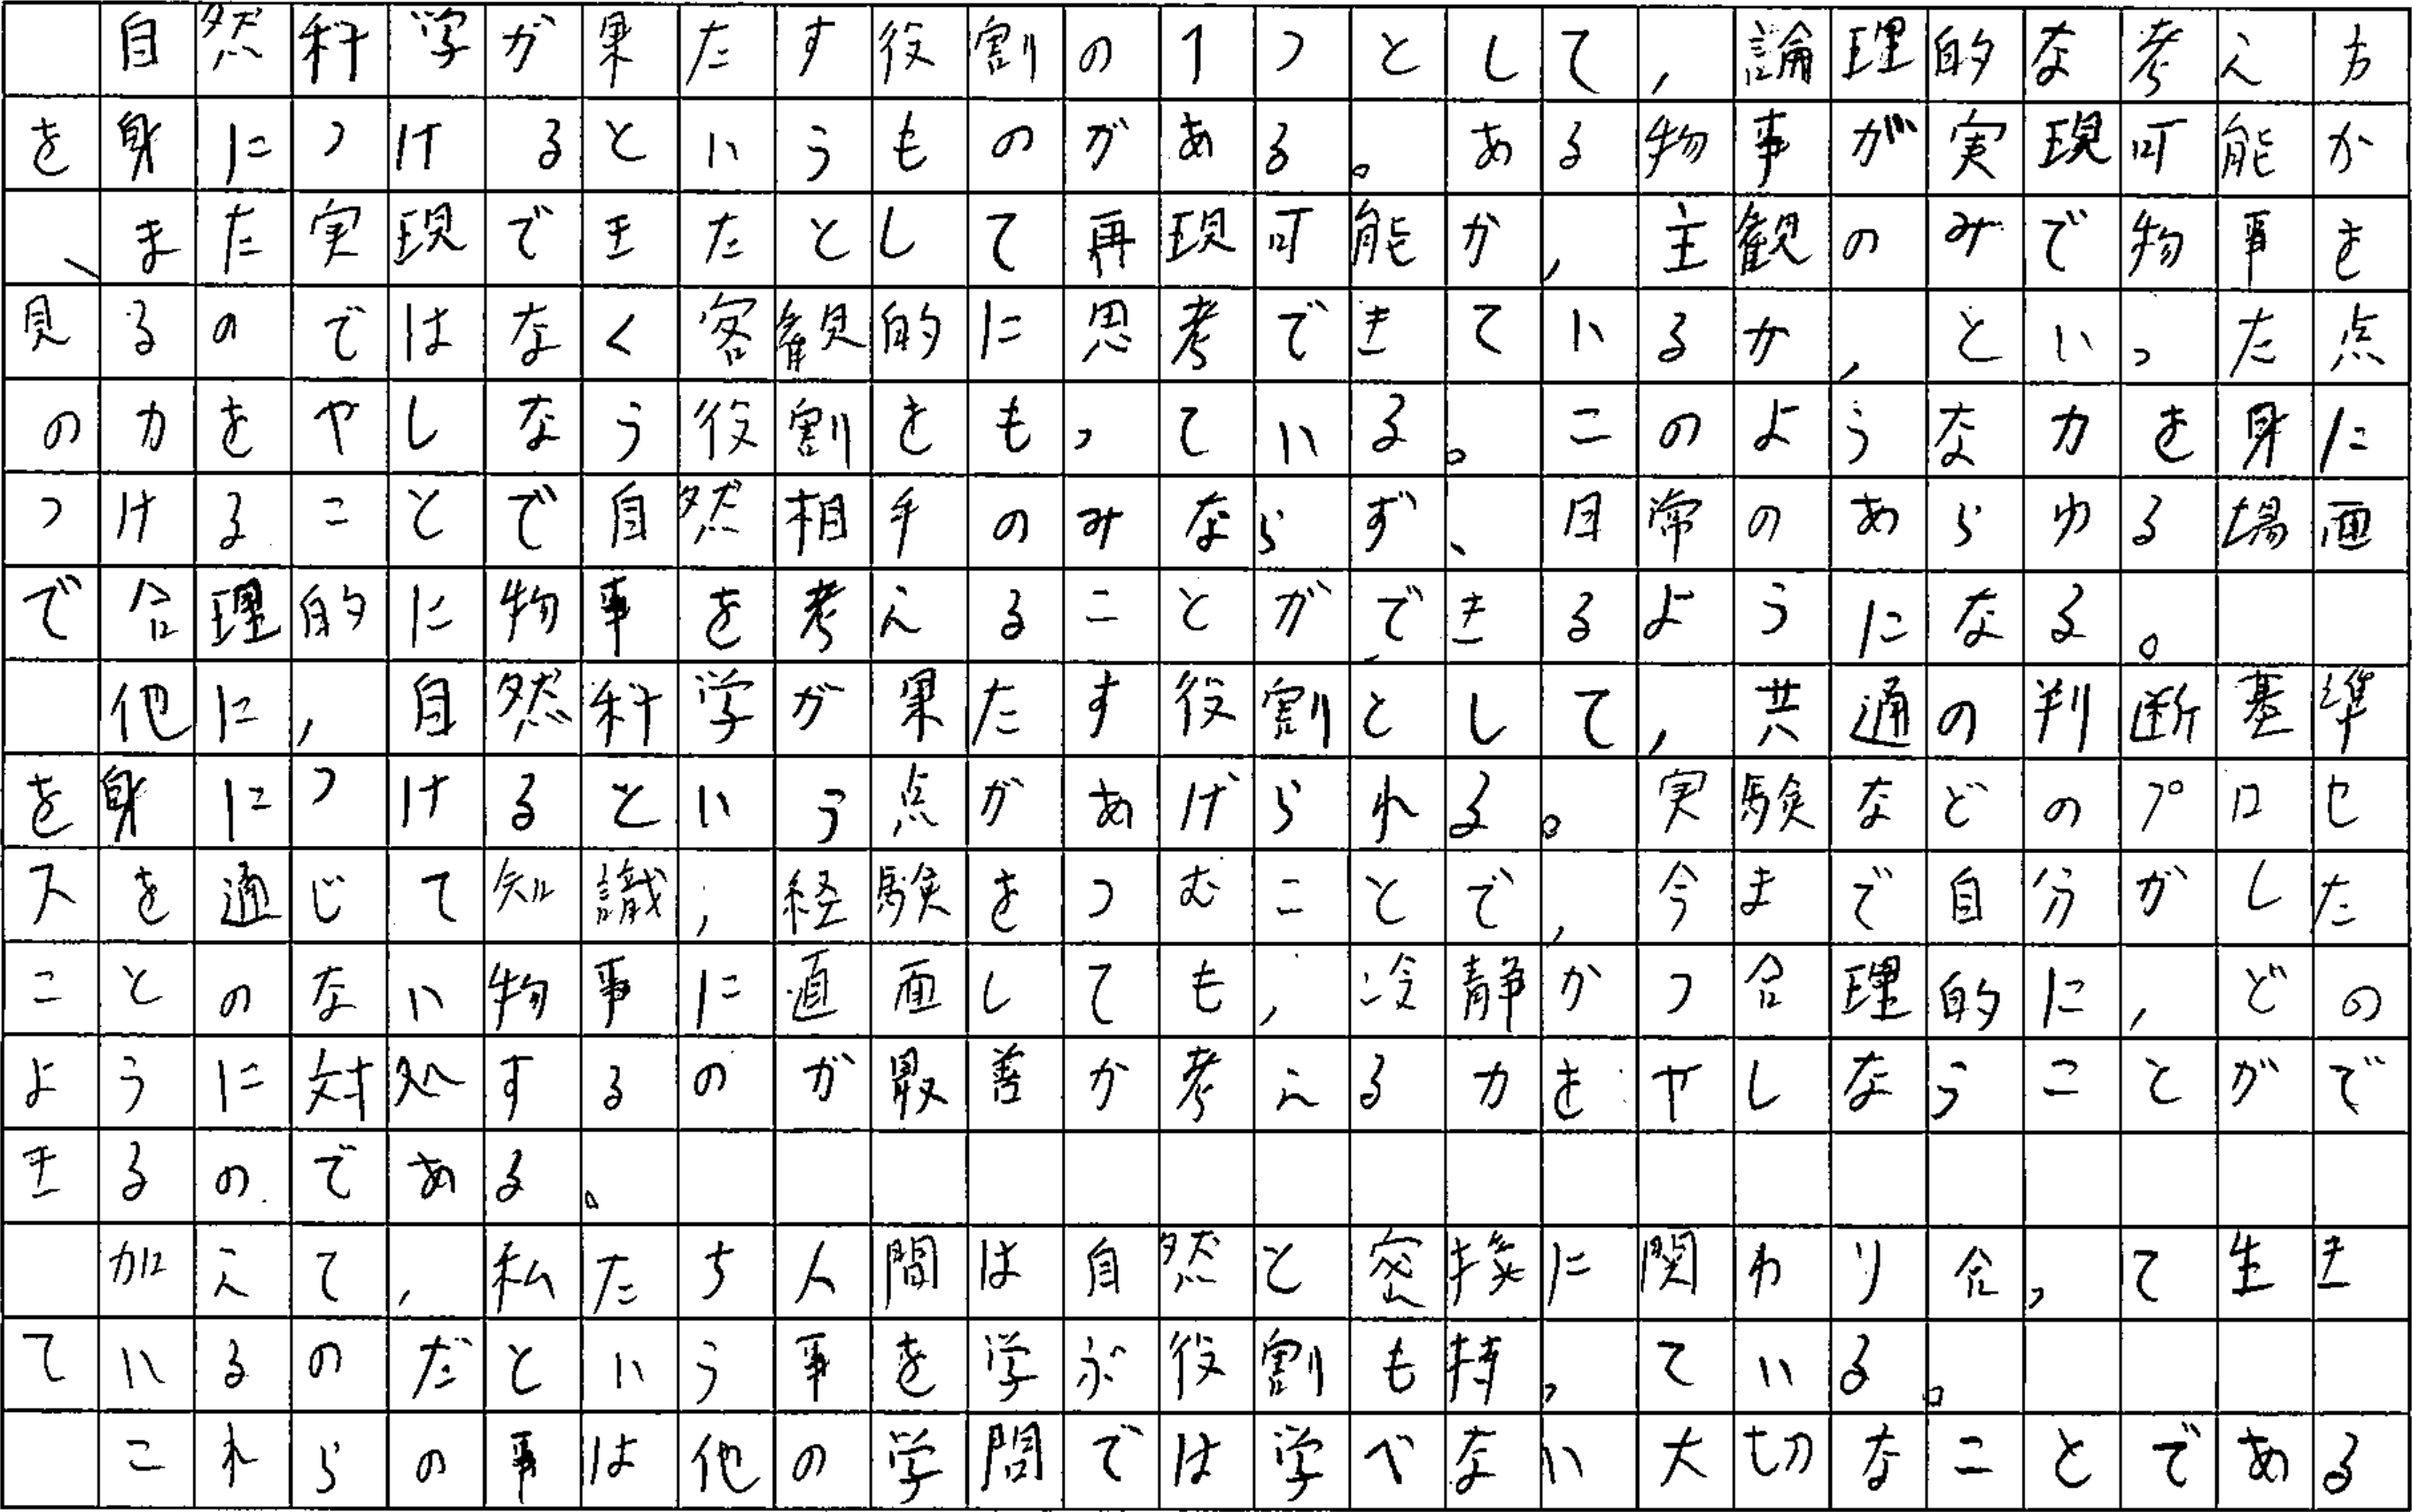　自然科学が果たす役割の１つとして、論理的な考え方を身につけるというものがある。ある物事が実現可能か、また実現できたとして再現可能か、主観のみで物事を見るのではなく客観的に思考できているか、といった点の力をやしなう役割をもっている。このような力を身につけることで自然相手のみならず、日常のあらゆる場面で合理的に物事を考えることができるようになる。
　他に、自然科学が果たす役割として、共通の判断基準を身につけるという点があげられる。実験などのプロセスを通じて知識、経験をつむことで、今まで自分がしたことのない物事に直面しても、冷静かつ合理的に、どのように対処するのが最善か考える力をやしなうことができるのである。
　加えて、私たち人間は自然と密接に関わり合って生きているのだという事を学ぶ役割も持っている。
　これらの事は他の学問では学べない大切なことである
